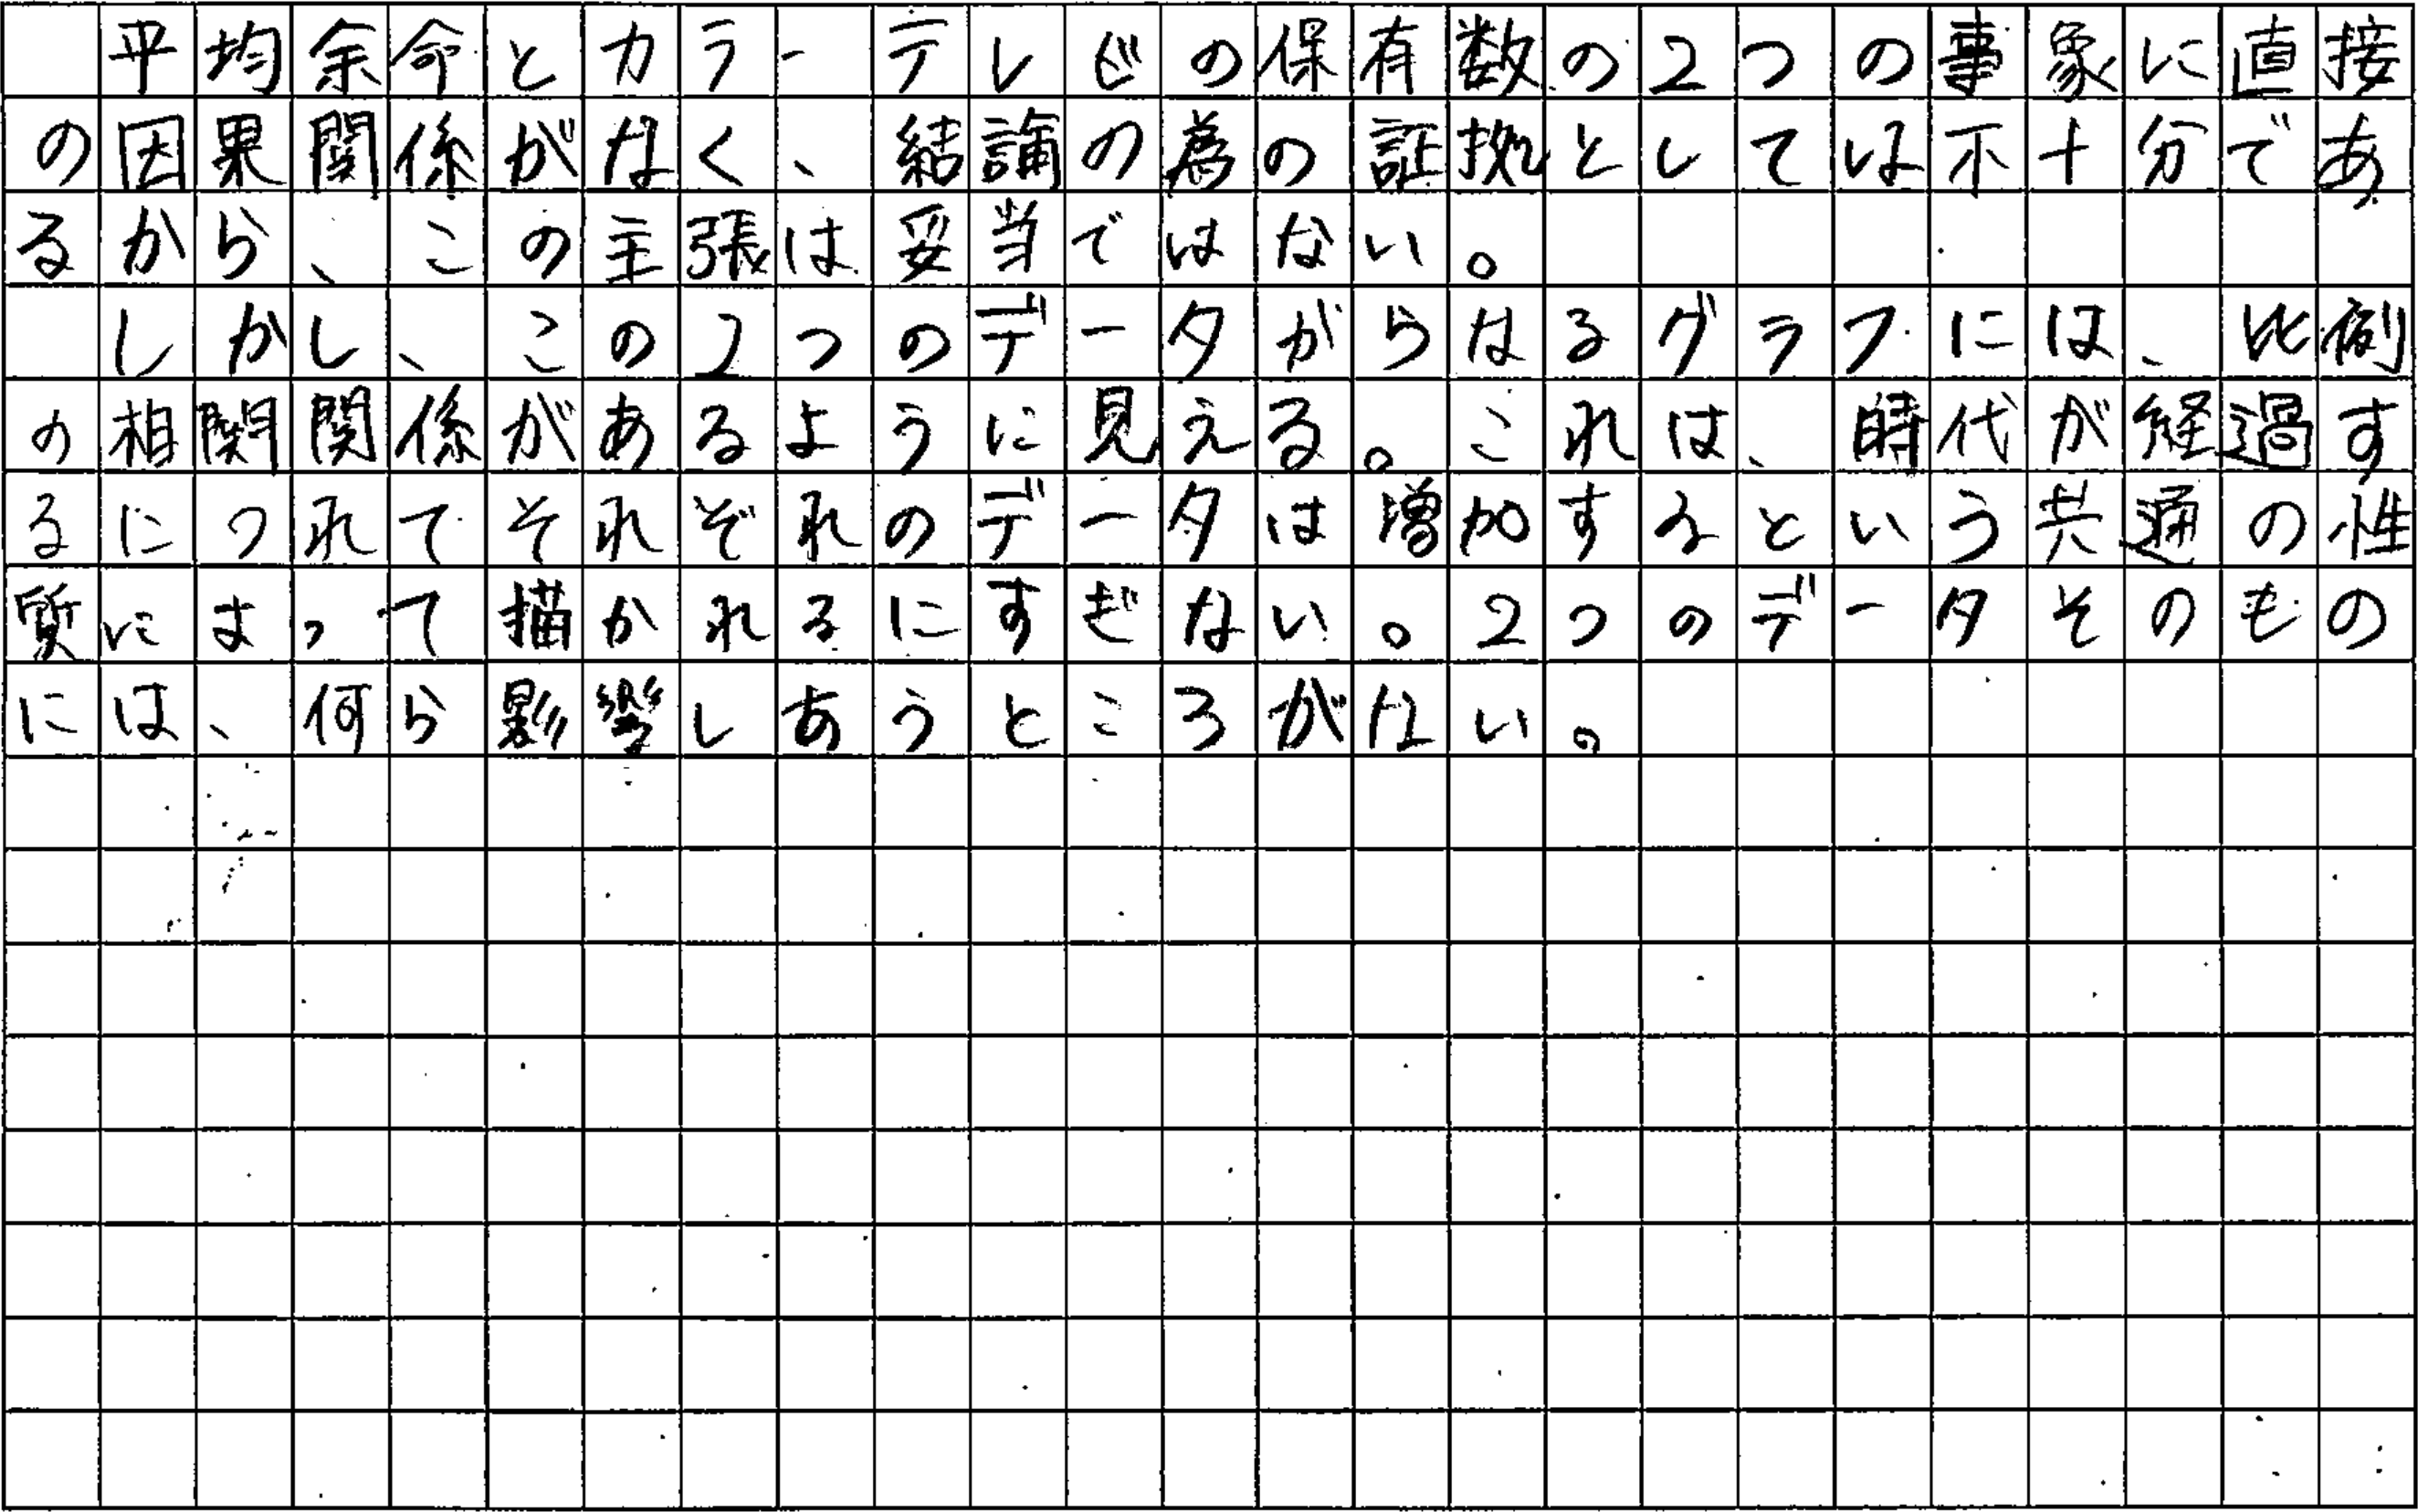　平均余命とカラーテレビの保有数の２つの事象に直接の因果関係がなく、結▁の為の証拠としては不十分であるから、この主張は妥当ではない。
　しかし、この２つのデータからなるグラフには、比例の相関関係があるように見える。これは、時代が経過するにつれてそれぞれのデータは増加するという共通の性質によって描かれるにすぎない。２つのデータそのものには、何ら影▁しあうところがない。
